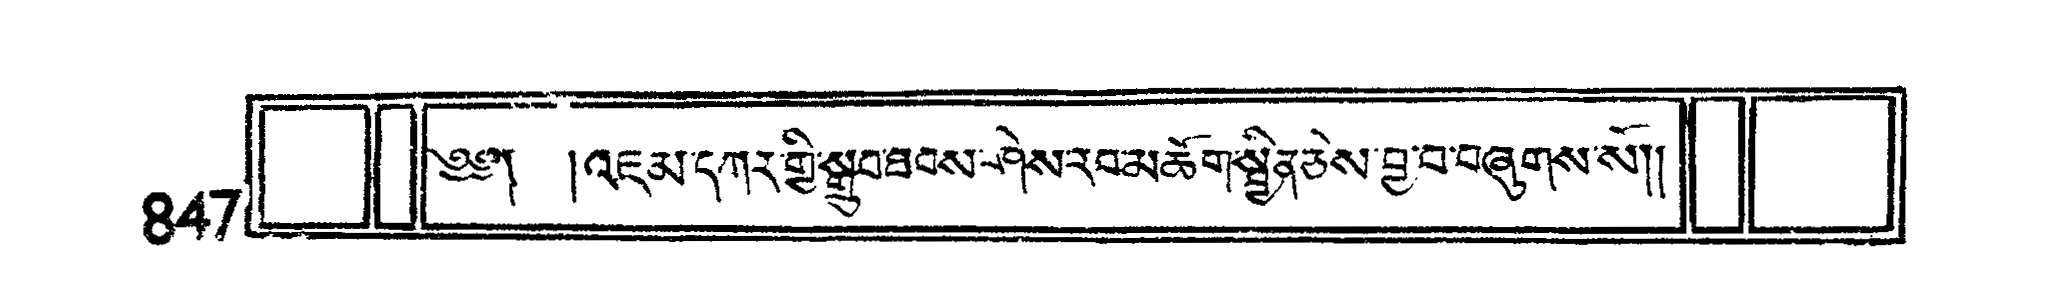༄༅། །འཇམ་དཀར་གྱི་སྒྲུབ་ཐབས་ཤེས་རབ་མཆོག་སྦྱིན་ཅེས་བྱ་བ་བཞུགས་སོ། །